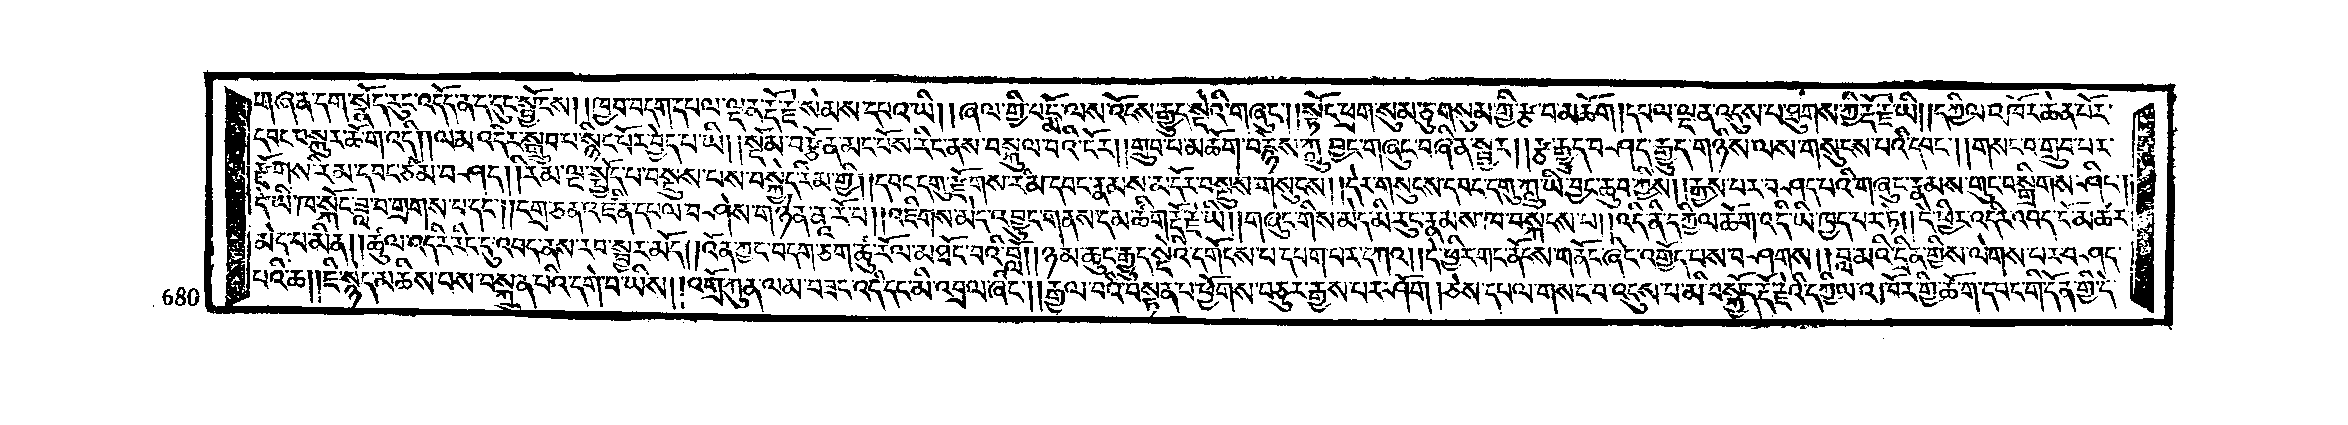གཞན་དག་སྣོད་རུང་འདོད་ན་ད་དུང་སྦྱོངས། །ཁྱབ་བདག་དཔལ་ལྡན་རྡོ་རྗེ་སེམས་དཔའ་ཡི། །ཞལ་གྱི་པདམོ་ལས་འོངས་རྒྱུད་སྡེའི་གཞུང་། །སྟོང་ཕྲག་སུམ་ཅུ་གསུམ་གྱི་རྩ་བ་མཆོག །དཔལ་ལྡན་འདུས་པ་ཐུགས་ཀྱི་རྡོ་རྗེ་ཡི། །དཀྱིལ་འཁོར་ཆེན་པོར་
དབང་བསྐུར་ཆོ་ག་འདི། །ལམ་འདིར་སྒྲུབ་པ་སྙིང་པོར་བྱེད་པ་ཡི། །སྡོམ་བརྩོན་མང་པོས་རིང་ནས་བསྐུལ་བའི་དོར། །གྲུབ་པ་མཆོག་བརྙེས་ཀླུ་བྱང་གཞུང་བཞིན་སྦྱར། །རྩ་རྒྱུད་བཤད་རྒྱུད་གཉིས་ལས་གསུངས་པའི་དབང་། །གསང་བ་གྲུབ་པར་
རྫོགས་རིམ་དབང་ཙམ་བཤད། །རིམ་ལྔ་སྤྱོད་པ་བསྡུས་པས་བསྐྱེད་རིམ་གྱི། །དབང་དགུ་རྫོགས་རིམ་དབང་རྣམས་མདོར་བསྡུས་གསུངས། །དེར་གསུངས་དབང་དགུ་ཀླུ་ཡི་བྱང་ཆུབ་ཀྱིས། །རྒྱས་པར་བཤད་པའི་གཞུང་རྣམས་གུང་བསྒྲིགས་ཤིང་།
དེ་ཡི་ཁ་སྐོང་ཟླ་བ་གྲགས་པ་དང་། །དགྲ་ཅན་འཛིན་དཔལ་བཤེས་གཉེན་ནཱ་རོ་པ། །འཇིགས་མེད་འབྱུང་གནས་དམ་ཚིག་རྡོ་རྗེ་ཡི། །གཞུང་གིས་མེད་མི་རུང་རྣམས་ཁ་བསྐངས་པ། །འདི་ནི་དཀྱིལ་ཆོག་འདི་ཡི་ཁྱད་པར་ཏེ། །དེ་ཕྱིར་འདིར་འབད་ངོ་མཚར་
མེད་པ་མིན། །ཚུལ་འདིར་རིང་དུ་འབད་ནས་རབ་སྦྱར་མོད། །འོན་ཀྱང་བདག་ཅག་ཚུ་རོལ་མཐོང་བའི་བློ། །ཉམ་ཆུང་རྒྱུད་སྡེའི་དགོངས་པ་དཔག་པར་དཀའ། །དེ་ཕྱིར་གང་ནོངས་གནོང་ཞིང་འགྱོད་པས་བཤགས། །བླ་མའི་དྲིན་གྱིས་ལེགས་པར་བཤད་
པའི་ཆ། །ཇི་སྙེད་མཆིས་པས་བསྐྲུན་པའི་དགེ་བ་ཡིས། །འགྲོ་ཀུན་ལམ་བཟང་འདི་དང་མི་འབྲལ་ཞིང་། །རྒྱལ་བའི་བསྟན་པ་ཕྱོགས་བཅུར་རྒྱས་པར་ཤོག །ཅེས་དཔལ་གསང་བ་འདུས་པ་མི་བསྐྱོད་རྡོ་རྗེའི་དཀྱིལ་འཁོར་གྱི་ཆོ་ག་དབང་གི་དོན་གྱི་དེ་